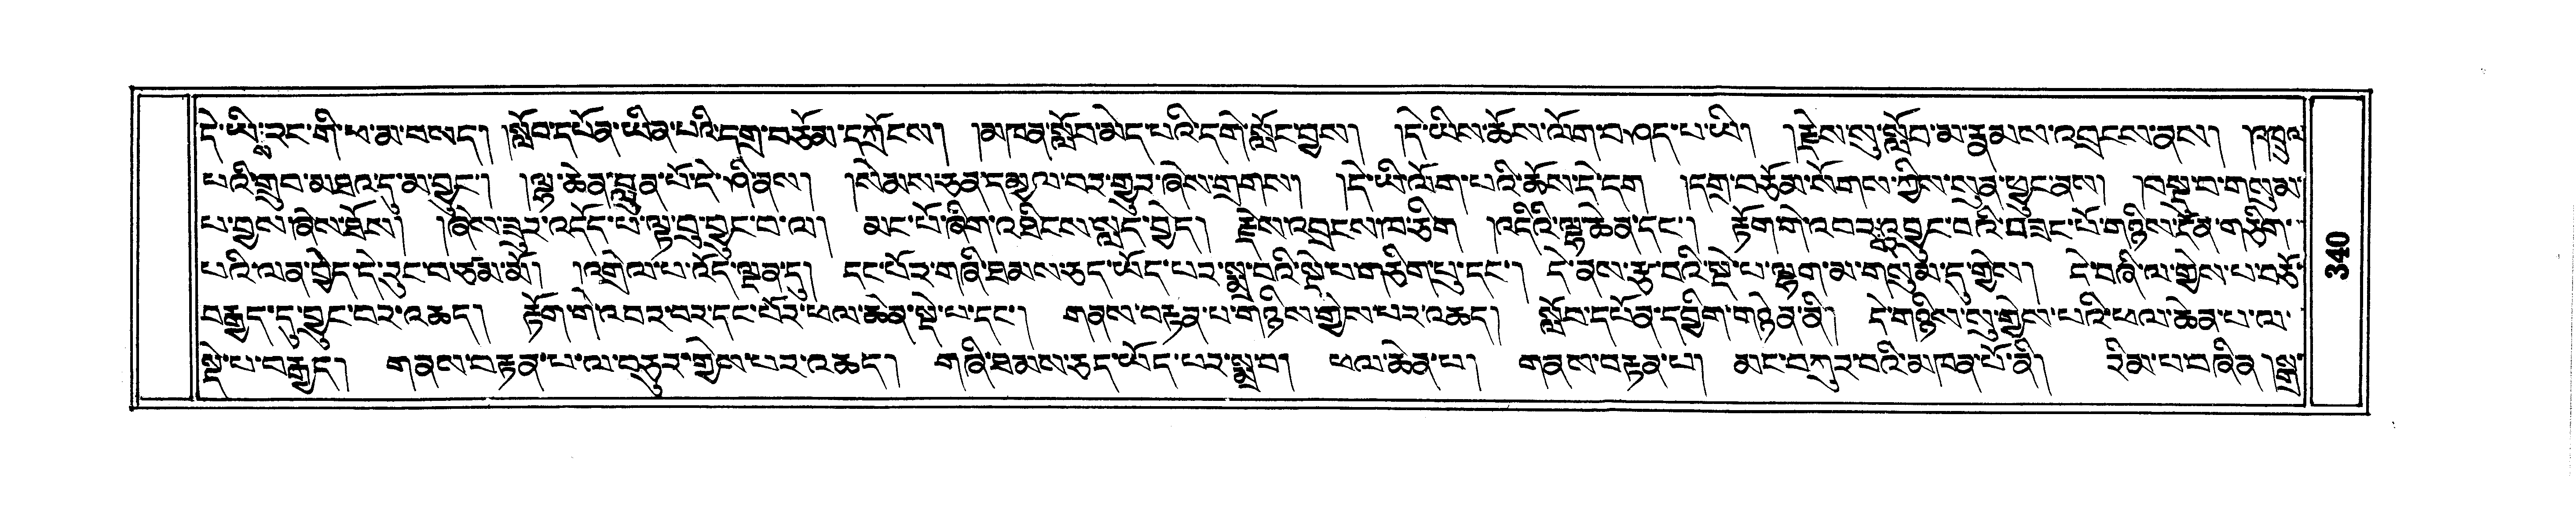དེ་ཡིས་རང་གི་ཕ་མ་བསད། །སློབ་དཔོན་ཡིན་པའི་དགྲ་བཅོམ་དཀྲོངས། །མཁན་སློབ་མེད་པའི་དགེ་སློང་བྱས། །དེ་ཡིས་ཆོས་ལོག་བཤད་པ་ཡི། །རྗེས་སུ་སློབ་མ་རྣམས་འབྲངས་ནས། །འཁྲུལ་
པའི་གྲུབ་མཐའ་དུ་མ་བྱུང་། །ལྷ་ཆེན་བླུན་པོ་དེ་ཤི་ནས། །སེམས་ཅན་དམྱལ་བར་གྱུར་ཞེས་གྲགས། །དེ་ཡི་ལོག་པའི་ཆོས་དེ་དག །དགྲ་བཅོམ་སོགས་ཀྱིས་སུན་ཕྱུང་ནས། །བསྡུ་བ་གསུམ་
པ་བྱས་ཞེས་ཐོས། །ཞེས་ཟུར་འདོད་པ་ལྟ་བུ་བྱུང་བ་ལ། མང་པོ་ཞིག་འཐིངས་སླད་བྱེད། རྗེས་འབྲངས་ཁ་ཅིག །འདིའི་ལྷ་ཆེན་དང་། རྟོག་གེ་འབར་བར་འབྱུང་བའི་བཟང་པོ་གཉིས་དོན་གཅིག་
པའི་ལན་བྱེད་དེ་རུང་བ་ཙམ་མོ། །འགྲེལ་པ་འོད་ལྡན་དུ། དང་པོར་གཞི་ཐམས་ཅད་ཡོད་པར་སྨྲ་བའི་སྡེ་པ་གཅིག་པུ་དང་། དེ་ནས་རྩ་བའི་སྡེ་པ་ལྷག་མ་གསུམ་དུ་གྱེས། དེ་བཞི་ལ་གྱེས་པ་བཅོ་
བརྒྱད་དུ་བྱུང་བར་འཆད། རྟོག་གེ་འབར་བར་དང་པོར་ཕལ་ཆེན་སྡེ་པ་དང་། གནས་བརྟན་པ་གཉིས་གྱེས་པར་འཆད། སློབ་དཔོན་དབྱིག་གཉེན་ནི། དེ་གཉིས་སུ་གྱེས་པའི་ཕལ་ཆེན་པ་ལ་
སྡེ་པ་བརྒྱད། གནས་བརྟན་པ་ལ་བཅུར་གྱེས་པར་འཆད། གཞི་ཐམས་ཅད་ཡོད་པར་སྨྲ་བ། ཕལ་ཆེན་པ། གནས་བརྟན་པ། མང་བཀུར་བའི་མཁན་པོ་ནི། རིམ་པ་བཞིན་།སྒྲ་